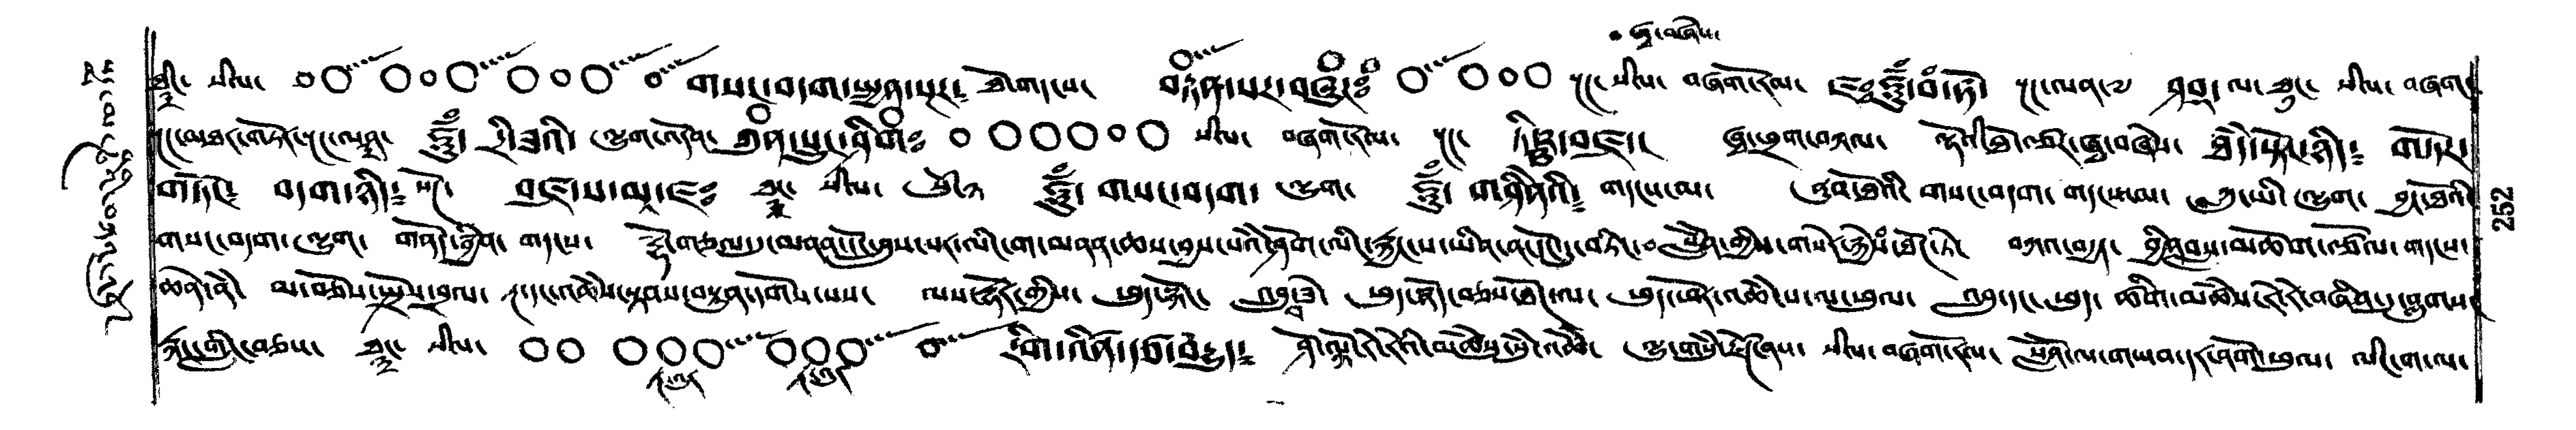ཐིང་གསུམ། ཟིལ། གསང་བདག་སྤྱན་སྔར༴ ཐོ་གདངས། བརྟན་པར་བཞུགས། སྔགས་ཟིལ། བཞག་རོལ། ཛཿཧཱུྃ་བྃ་ཧོ། སྔགས་ལན་བདུན། ཤབྡ་ལ། ཐིང་གཅིག་སིལ། བཞག 
སྔགས་མཐར་གཏོར་སྔགས་ལན་གསུམ། ཧཱུྃ། དྲི་ཟའི༴ ལྷུག་འདོན། ཀུན་སྲུང་ཤིག༔ སིལ། བཞག་རོལ། སྔགས། ཏིཥྛ་བཛྲ༴ ཞྭ་ཕྲག་དགལ། ལྷོའི་ཐོ་རྩར་ཞྭ་བཞེས། ཐམས་ཅད་སྟོང་ཉིད༴གཏོར་
གཏོང༴ བདག་ཉིད༴ སོགས། བཛྲ་ས་མཱ་ཛཿ ཐང་གཅིག་སིལ། སུམ་གཅིག ཧཱུྃ། གསང་བདག༴ ལྷུག ཧཱུྃ། གཤིན་རྗེའི༴ གདངས་མ། ནུབ་ཐོའི། གསང་བདག༴ གདངས་མ། ཀླུ་ཡི༴ ལྷུག བྱང་ཐོའི། 
གསང་བདག༴ ལྷུག གནོད་སྦྱིན༴ གདངས། རྡོ་རྗེ་གཅལ་དུ་མནན་དོང་བྲུས་པར་ལིང་ག་མནན་ཆས་བྱས་པའམ་ཤོག་ལིང་རྐྱང་པ་ཡིན་ན་དོང་དུ་གདིང་། ཞྭ་བཞེས། སློབ་དཔོན་གྱིས་གསེར་སྐྱེམས་ཐོགས་ཏེ། བཀའ་བརྒྱད། བྱིན་རླབས་མཆོག་རྩོལ༴ གདངས་
ཆེན་ནམ། མ་བཅོས་སྤྲོས་བྲལ༴ རྔ་དང་འཆམ་སྟབས་བསྟུན་དགོས་པས་ལས་རྡོར་གྱིས་ཕུད་སྐོང་། འབྲུ་བཟེད། ཕུད་སྣོད་བཅས་ཐོགས་ལ་ཕུད་ཕོར་འཆམ་པ་ལ་འབྲུ་དང་ཕུད། ཚིག་མཚམས་རེ་རེ་བཞིན་དུ་བླུག 
རྐང་གླིང་བཅས། ཐིང་གསུམ་ཟིལ། རིག་འཛིན་རྩ་བརྒྱུད༴ ཤླཽ་ཀལ་རེ་རེའི་མཚམས་སུ་འཆམ། ལྷུ་གསུམ་རྫོགས་ནས། སིལ། བཞག་རོལ། སློབ་དཔོན་ལ་གཡབ་དར་ནག་པོ་ཕུལ། ལིང་ག་ལ་